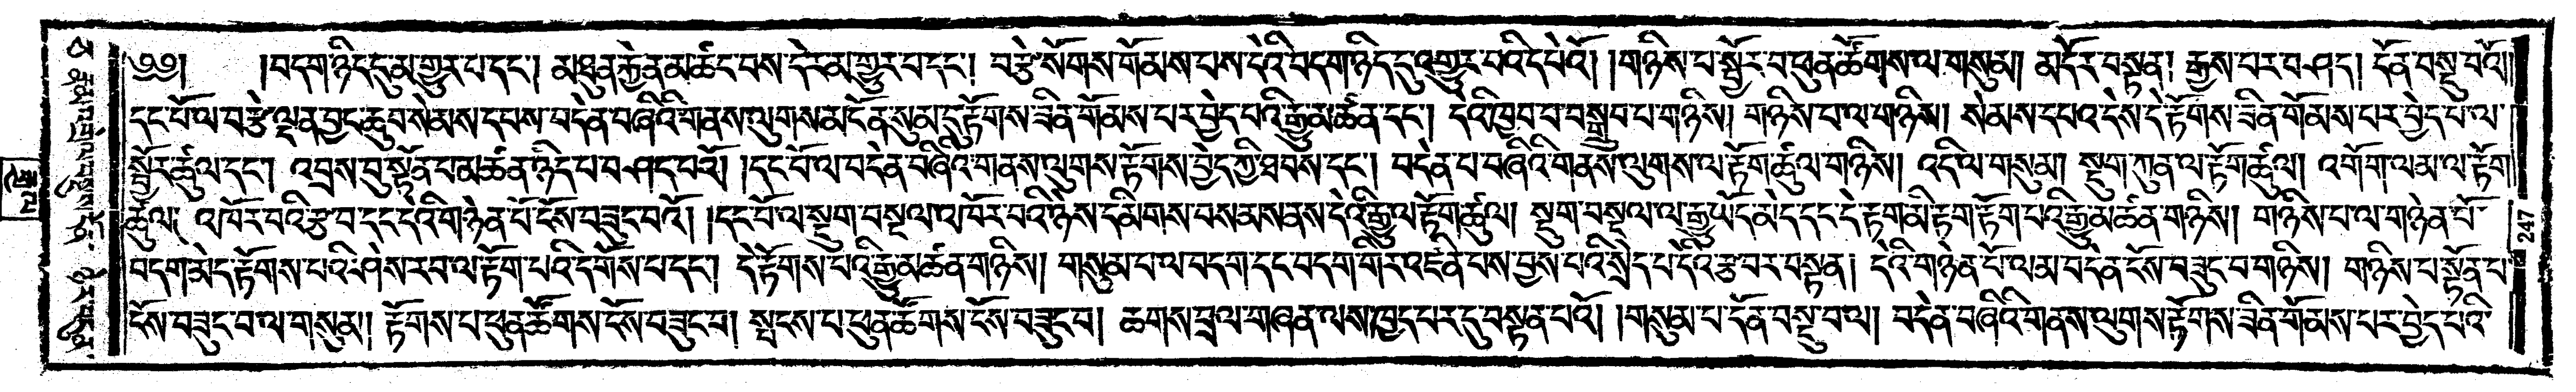༄༅། །བདག་ཉིད་དུ་མ་གྱུར་པ་དང་། མཐུན་རྐྱེན་མ་ཚང་བས་དེར་མ་གྱུར་པ་དང་། བརྩེ་སོགས་གོམས་པས་དེའི་བདག་ཉིད་དུ་འགྱུར་བའི་དཔེའོ། །གཉིས་པ་སྦྱོར་བ་ཕུན་ཚོགས་ལ་གསུམ། མདོར་བསྟན། རྒྱས་པར་བཤད། དོན་བསྡུ་བའོ།།
དང་པོ་ལ་བརྩེ་ལྡན་བྱང་ཆུབ་སེམས་དཔས་བདེན་བཞིའི་གནས་ལུགས་མངོན་སུམ་དུ་རྟོགས་ཟིན་གོམས་པར་བྱེད་པའི་རྒྱུ་མཚན་དང་། དེའི་ཁྱབ་པ་བསྒྲུབ་པ་གཉིས། གཉིས་པ་ལ་གཉིས། སེམས་དཔའ་དེས་དེ་རྟོགས་ཟིན་གོམས་པར་བྱེད་པ་ལ་
སྦྱོར་ཚུལ་དང་། འབྲས་བུ་སྟོན་པ་མཚན་ཉིད་པ་བཤད་པའོ། །དང་པོ་ལ་བདེན་བཞིའི་གནས་ལུགས་རྟོགས་བྱེད་ཀྱི་ཐབས་དང་། བདེན་པ་བཞིའི་གནས་ལུགས་ལ་རྟོག་ཚུལ་གཉིས། འདི་ལ་གསུམ། སྡུག་ཀུན་ལ་རྟོག་ཚུལ། འགོག་ལམ་ལ་རྟོག་
ཚུལ། འཁོར་བའི་རྩ་བ་དང་དེའི་གཉེན་པོ་ངོས་བཟུང་བའོ། །དང་པོ་ལ་སྡུག་བསྔལ་འཁོར་བའི་ཉེས་དམིགས་བསམས་ནས་དེའི་རྒྱུ་ལ་རྟོག་ཚུལ། སྡུག་བསྔལ་ལ་རྒྱུ་ཡོད་མེད་དང་དེ་རྟག་མི་རྟག་རྟོག་པའི་རྒྱུ་མཚན་གཉིས། གཉིས་པ་ལ་གཉེན་པོ་
བདག་མེད་རྟོགས་པའི་ཤེས་རབ་ལ་རྟོག་པའི་དགོས་པ་དང་། དེ་རྟོགས་པའི་རྒྱུ་མཚན་གཉིས། གསུམ་པ་ལ་བདག་དང་བདག་གིར་འཛིན་པས་བྱས་པའི་སྲེད་པ་དེའི་རྩ་བར་བསྟན། དེའི་གཉེན་པོ་ལམ་བདེན་ངོས་བཟུང་བ་གཉིས། གཉིས་པ་སྟོན་པ་
ངོས་བཟུང་བ་ལ་གསུམ། རྟོགས་པ་ཕུན་ཚོགས་ངོས་བཟུང་བ། སྤངས་པ་ཕུན་ཚོགས་ངོས་བཟུང་བ། ཆགས་བྲལ་གཞན་ལས་ཁྱད་པར་དུ་བསྟན་པའོ། །གསུམ་པ་དོན་བསྡུ་བ་ལ། བདེན་བཞིའི་གནས་ལུགས་རྟོགས་ཟིན་གོམས་པར་བྱེད་པའི་